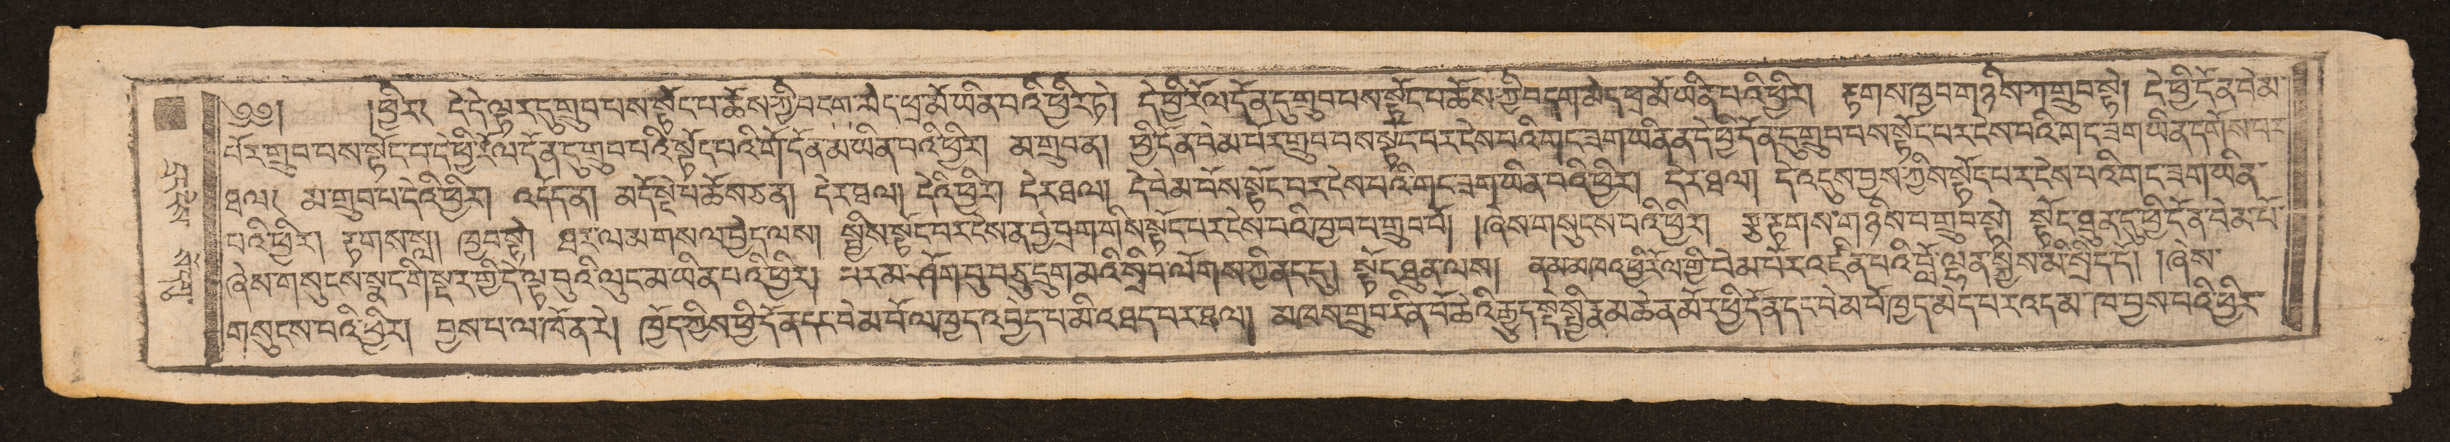༄༅། །ཕྱིར༑ དེ་དེ་ལྟར་དུ་གྲུབ་པས་སྟོང་པ་ཆོས་ཀྱི་བདག་མེད་ཕྲ་མོ་ཡིན་པའི་ཕྱིར་ཏེ། དེ་ཕྱི་རོལ་དོན་དུ་གྲུབ་པས་སྟོང་པ་ཆོས་ཀྱི་བདག་མེད་ཕྲ་མོ་ཡིན་པའི་ཕྱིར། རྟགས་ཁྱབ་གཉིས་ཀ་གྲུབ་སྟེ། དེ་ཕྱི་དོན་བེམ་
པོར་གྲུབ་པས་སྟོང་པ་དེ་ཕྱི་རོལ་དོན་དུ་གྲུབ་པའི་སྟོང་པའི་གོ་དོན་མ་ཡིན་པའི་ཕྱིར། མ་གྲུབ་ན། ཕྱི་དོན་བེམ་པོར་གྲུབ་པས་སྟོང་པར་ངེས་པའི་གང་ཟག་ཡིན་ན་དེ་ཕྱི་དོན་དུ་གྲུབ་པས་སྟོང་པར་ངེས་པའི་གང་ཟག་ཡིན་དགོས་པར་
ཐལ༑ མ་གྲུབ་པ་དེའི་ཕྱིར། འདོད་ན། མདོ་སྡེ་པ་ཆོས་ཅན། དེར་ཐལ། དེའི་ཕྱིར། དེར་ཐལ། དེ་བེམ་པོས་སྟོང་པར་ངེས་པའི་གང་ཟག་ཡིན་པའི་ཕྱིར། དེར་ཐལ། དེ་འདུས་བྱས་ཀྱིས་སྟོང་པར་ངེས་པའི་གང་ཟག་ཡིན་
པའི་ཕྱིར། རྟགས་སླ། ཁྱབ་སྟེ། ཐར་ལམ་གསལ་བྱེད་ལས། སྤྱིས་སྟོང་པར་ངེས་ན་བྱེ་བྲག་གིས་སྟོང་པར་ངེས་པའི་ཁྱབ་པ་གྲུབ་བོ། །ཞེས་གསུངས་པའི་ཕྱིར། རྩ་རྟགས་གཉིས་པ་གྲུབ་སྟེ། སྟོང་ཐུན་དུ་ཕྱི་དོན་བེམ་པོ་
ཞེས་གསུངས་སྣང་གི་སྔར་གྱི་དེ་ལྟ་བུའི་ལུང་མ་ཡིན་པའི་ཕྱིར། བར་མ་ཤོག་བུ་བཅུ་དྲུག་མའི་སྲིབ་ལོགས་ཀྱི་ནང་དུ། སྟོང་ཐུན་ལས། ནམ་མཁའ་ཕྱི་རོལ་གྱི་བེམ་པོར་འཛིན་པའི་བློ་ལྷན་སྐྱེས་མི་སྲིད་དོ། །ཞེས་
གསུངས་པའི་ཕྱིར། བྱས་པ་ལ་ཁོ་ན་རེ། ཁྱོད་ཀྱིས་ཕྱི་དོན་དང་བེམ་པོ་ལ་ཁྱད་འབྱེད་པ་མི་འཐད་པར་ཐལ། མཁས་གྲུབ་རིན་པོ་ཆེའི་རྒྱུད་སྡེ་སྤྱི་རྣམ་ཆེན་མོར་ཕྱི་དོན་དང་བེམ་པོ་ཁྱད་མེད་པར་འདམ་ཁ་བྱས་པའི་ཕྱིར་